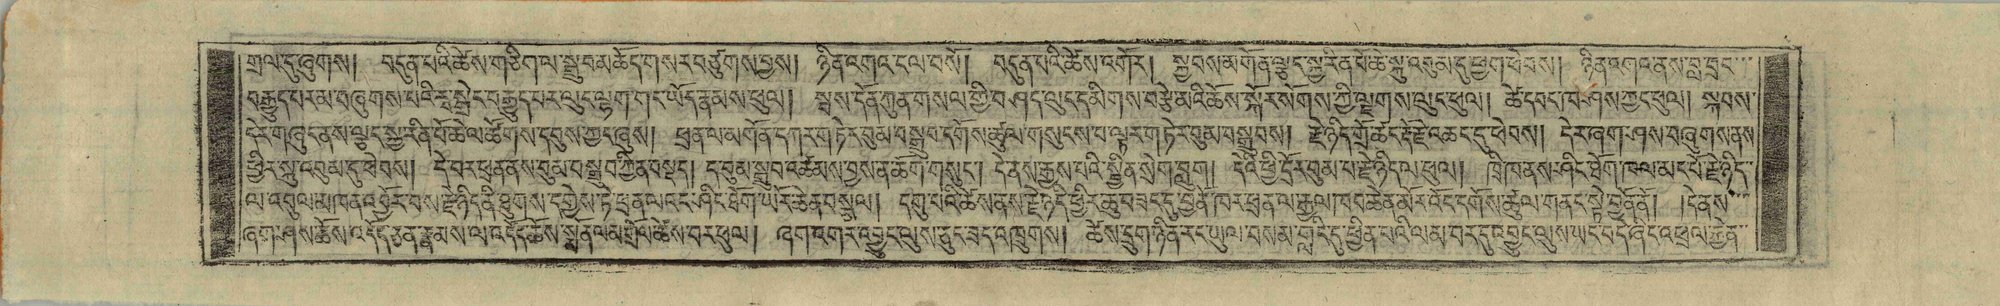གྲལ་དུ་ཞུགས། བདུན་པའི་ཚེས་གཅིག་ལ་སྒྲུབ་མཆོད་གསར་བཙུགས་བྱས། ཉིན་འགའ་ངལ་བསོ། བདུན་པའི་ཚེས་འགོར། སྐྱབས་མགོན་ལྕང་སྐྱ་རིན་པོ་ཆེ་སྐུ་འབུམ་དུ་ཕྱག་ཕེབས། ཉིན་འགའ་ནས་བླ་བྲང་
བརྒྱུད་པར་མ་བཞུགས་པའི་རྭ་སྒྲེང་བརྒྱུད་པར་ལུང་ལྷག་གང་ཡོད་རྣམས་ཕུལ། སྦས་དོན་ཀུན་གསལ་གྱི་བཤད་ལུང་དམིགས་བརྩེ་མའི་ཆོས་སྐོར་སོགས་ཀྱི་ལྗགས་ལུང་ཕུལ། ཚེ་དབང་ཁ་ཤས་ཀྱང་ཕུལ། སྐབས་
དེར་གཞུང་ནས་ལྕང་སྐྱ་རིན་པོ་ཆེ་ལ་ཚོགས་དབུས་ཀྱང་ཞུས། ཕྲན་ལ་མགོན་དཀར་གཏེར་བུམ་བསྒྲུབ་དགོས་ཚུལ་གསུངས་པ་ལྟར་གཏེར་བུམ་བསྒྲུབས། རྗེ་ཉིད་གྲོ་ཚང་རྡོ་རྗེ་འཆང་དུ་ཕེབས། དེར་ཞག་ཤས་བཞུགས་ནས་
ཕྱིར་སྐུ་འབུམ་དུ་ཕེབས། དེ་བར་ཕྲན་ནས་བུམ་བསྒྲུབ་ཀྱིན་བསྡད། ད་བུམ་སྒྲུབ་འཚམས་བྱས་ན་ཆོག་གསུང་། དེ་ནས་རྒྱས་པའི་སྦྱིན་སྲེག་བླུག །དེའི་ཕྱི་དྲོར་བུམ་པ་རྗེ་ཉིད་ལ་ཕུལ། ཁྲི་ཁ་ནས་ཤིང་ཐོག་ཁལ་མང་པོ་རྗེ་ཉིད་
ལ་འབུལ་མཁན་འབྱོར་བས་རྗེ་ཉིད་ནི་ཐུགས་དགྱེས་ཏེ་ཕྲན་ལའང་ཤིང་ཐོག་ཡོར་ཆེན་བསྩལ། དགུ་བའི་ཚེས་ནས་རྗེ་ཉིད་ཕྱིར་ཆུ་བཟང་དུ་བྱོན་ཁར་ཕྲན་ལ་རྒྱལ་ཁབ་ཆེན་མོར་འོང་དགོས་ཚུལ་གནང་སྟེ་བྱོན་ནོ། །དེ་ནས་
ཞག་ཤས་ཆོས་འདོད་ཅན་རྣམས་ལ་འདོད་ཆོས་སྨོན་ལམ་གྲོལ་ཚེས་བར་ཕུལ། ཞག་འགར་འབྱུང་ལུས་ཅུང་ཟད་འཁྲུགས། ཚེས་དྲུག་ཉིན་རང་ཡུལ་བསམ་གླིང་དུ་ཕྱིན་པའི་ལམ་བར་དུ་འབྱུང་ལུས་ཡང་བདེ་ཞིང་འཕྲལ་རྐྱེན་